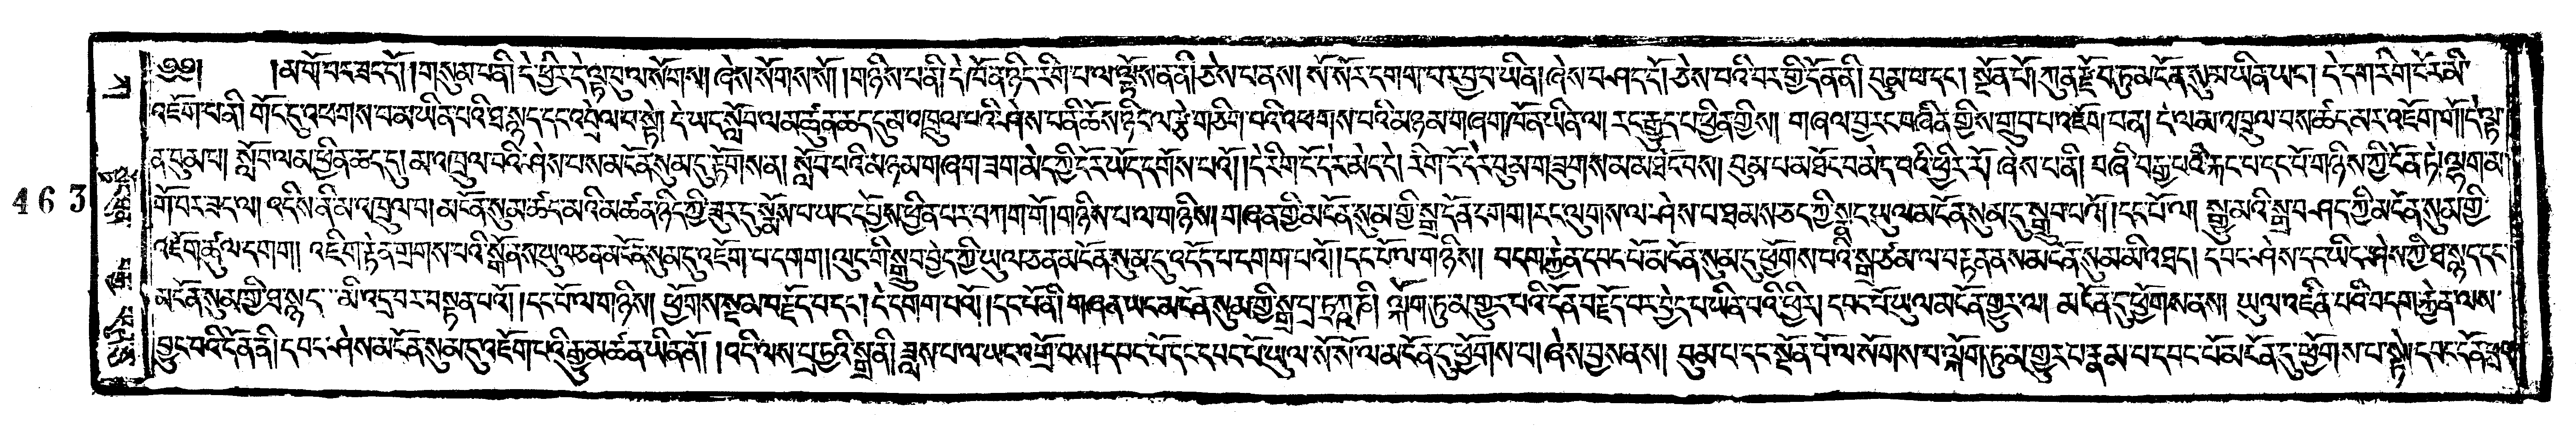༄༅། །མགོ་བར་ཟད་དོ། །གསུམ་པ་ནི། དེ་ཕྱིར་དེ་ལྟ་བུ་ལ་སོགས། ཞེས་སོགས་སོ། །གཉིས་པ་ནི། དེ་ཁོ་ན་ཉིད་རིག་པ་ལ་ལྟོས་ན་ནི། ཅེས་པ་ནས། སོ་སོར་དགག་པར་བྱ་བ་ཡིན། ཞེས་བཤད་དོ། ཅེས་པའི་བར་གྱི་དོན་ནི། བུམ་པ་དང་། སྔོན་པོ། ཀུན་རྫོབ་ཏུ་མངོན་སུམ་ཡིན་ཡང་། དེ་དག་རིག་ངོར་མི་
འཇོག་པ་ནི། གོང་དུ་འཕགས་བ་མ་ཡིན་པའི་ཐ་སྙད་དང་འབྲེལ་བ་སྟེ། དེ་ཡང་སློབ་ལ་མཚུན་ཆད་དུ་མ་འཁྲུལ་པའི་ཤེས་པ་ནི་ཆོས་ཉིད་ལ་རྩེ་གཅིག་པའི་འཕགས་པའི་མཉམ་གཞག་ཁོ་ན་ཡིན་ལ། རང་རྒྱུད་པ་ཕྱིན་གྱིས། གཞལ་བྱ་རང་བཞིན་གྱིས་གྲུབ་པ་འཇོག་པ་ན། དེ་ལ་མ་འཁྲུལ་བས་ཚད་མར་འཇོག་གོ །དེ་ལྟ་
ན་བུམ་པ། སློབ་ལམ་ཕྱིན་ཆད་དུ། མ་འཁྲུལ་བའི་ཤེས་པས་མངོན་སུམ་དུ་རྟོགས་ན། སློབ་པའི་མཉམ་གཞག་ཟག་མེད་ཀྱི་ངོར་ཡོད་དགོས་པའོ། །དེ་རིག་ངོ་དེར་མེད་དེ། རིག་ངོ་དར་བུམ་གཟུགས་མ་མཐོང་བས། བུམ་པ་མཐོང་བ་མེད་པའི་ཕྱིར་རོ། ཞེས་པ་ནི། བཞི་བརྒྱ་པའི་རྐང་པ་དང་པོ་གཉིས་ཀྱི་དོན་ཏེ། ལྷག་མ་
གོ་བར་ཟད་ལ། འདིས་ནི་མ་འཁྲུལ་བ། མངོན་སུམ་ཚད་མའི་མཚན་ཉིད་ཀྱི་ཟུར་དུ་སྨོས་པ་ཡང་དཔྱོས་ཕྱིན་པར་བཀག་གོ །གཉིས་པ་ལ་གཉིས། གཞན་གྱི་མངོན་སུམ་གྱི་སྒྲ་དོན་དགག། རང་ལུགས་ལ་ཤེས་པ་ཐམས་ཅད་ཀྱི་སྣང་ཡུལ་མངོན་སུམ་དུ་སྒྲུབ་པའོ། །དང་པོ་ལ། སྒྱུ་མའི་སྒྲ་བཤད་ཀྱི་མངོན་སུམ་གྱི་
འཇོག་ཚུལ་དགག། འཇིག་རྟེན་གྲགས་པའི་སྒོ་ནས་ཡུལ་ཅན་མངོན་སུམ་དུ་འཇོག་པ་དགག །ལུང་གི་སྒྲུབ་བྱེད་ཀྱི་ཡུལ་ཅན་མངོན་སུམ་དུ་འདོད་པ་དགག་པའོ། །དང་པོ་ལ་གཉིས། བདག་རྐྱེན་དབང་པོ་མངོན་སུམ་དུ་ཕྱོགས་བའི་སྒྲ་ཙམ་ལ་བརྟན་ནས་མངོན་སུམ་མི་འཐད། དབང་ཤེས་དང་ཡིད་ཤེས་ཀྱི་ཐ་སྙད་དང་
མངོན་སུམ་གྱི་ཐ་སྙད་མི་འདྲ་བར་བསྟན་པའོ། །དང་པོ་ལ་གཉིས། ཕྱོགས་སྔ་མ་བརྗོད་པ་དང་། དེ་དགག་པའོ། །དང་པོ་ནི། གཞན་ཡང་མངོན་སུམ་གྱི་སྒྲ་པྲ་ཏྲཀྵ་ཎི། ལྐོག་ཏུ་མ་གྱུར་པའི་དོན་བརྗོད་པར་བྱེད་པ་ཡིན་བའི་ཕྱིར། དབང་པོ་ཡུལ་མངོན་གྱུར་ལ། མངོན་དུ་ཕྱོགས་ནས། ཡུལ་འཛིན་པའི་བདག་རྐྱེན་ལས་
བྱུང་བའི་དོན་ནི། དབང་ཤེས་མངོན་སུམ་དུ་འཇོག་པའི་རྒྱུ་མཚན་ཡིན་ནོ། །འདི་ལས་པྲ་ཏྱའི་སྒྲ་ནི། ཟླས་པ་ལ་ཡང་འགྲོ་བས། དབང་པོ་དང་དཔང་པོ་ཡུལ་སོ་སོ་ལ་མངོན་དུ་ཕྱོགས་བ། ཞེས་བྱས་ནས། བུམ་པ་དང་སྔོན་པོ་ལ་སོགས་པ་ལྐོག་ཏུ་མ་གྱུར་པ་རྣམ་པ་དབང་པོ་མངོན་དུ་ཕྱོགས་པ་སྟེ། དབང་དོན་བྲད་?